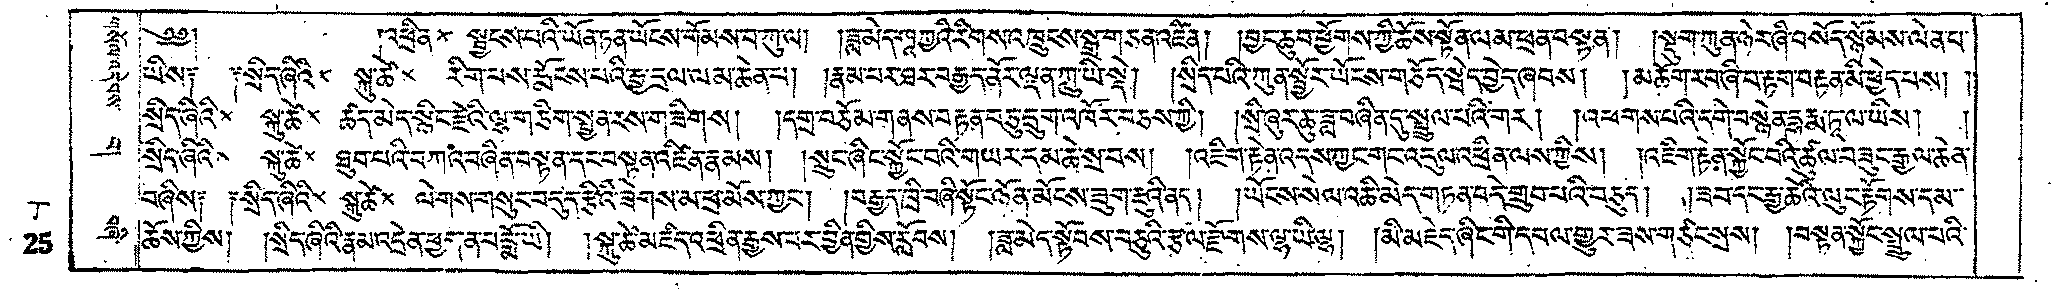༄༅། །འཕྲིན་྾་སྦྱངས་པའི་ཡོན་ཏན་ཡོངས་གོམས་བ་ཀུ་ལ། །ཟླ་མེད་ཤཱཀྱའི་རིགས་འཁྲུངས་སྒྲ་གཅན་འཛིན། །བྱང་ཆུབ་ཕྱོགས་ཀྱི་ཆོས་སྟོན་ལམ་ཕྲན་བསྟན། །སྡུག་ཀུན་ཉེར་ཞི་བསོད་སྙོམས་ལེན་པ་
ཡིས༑ ༑སྲིད་ཞིའི་྾་སྐུ་ཚེ་྾་རིག་པས་རྨོངས་པའི་རྒྱ་དྲལ་ལམ་ཆེན་པ། །རྣམ་པར་ཐར་བརྒྱད་ནོར་ལྡན་ཀླུ་ཡི་སྡེ། །སྲིད་པའི་ཀུན་སྦྱོར་ཡོངས་གཅོད་སྦེད་བྱེད་ཞབས། །མཆོག་རབ་ཞི་བ་རྟག་བརྟན་མི་ཕྱེད་པས། །
སྲིད་ཞིའི་྾་སྐུ་ཚེ་྾་ཚད་མེད་སྙིང་རྗེའི་ལྷ་གཅིག་སྤྱན་རས་གཟིགས། །དགྲ་བཅོམ་གནས་བརྟན་བཅུ་དྲུག་འཁོར་བཅས་ཀྱི། །སྲི་ཞུར་ཆུ་ཟླ་བཞིན་དུ་སྤྲུལ་པའི་གར། །འཕགས་པའི་དགེ་བསྙེན་དྷརྨ་ཏཱ་ལ་ཡིས། །
སྲིད་ཞིའི་྾་སྐུ་ཚེ་྾་ཐུབ་པའི་བཀའ་བཞིན་བསྟན་དང་བསྟན་འཛིན་རྣམས། །སྲུང་ཞིང་སྐྱོང་བའི་གཡར་དམ་ཆེ་སྲ་བས། །འཇིག་རྟེན་འདས་ཀྱང་གང་འདུལ་འཕྲིན་ལས་ཀྱིས། །འཇིག་རྟེན་སྐྱོང་བའི་ཚུལ་བཟུང་རྒྱལ་ཆེན་
བཞིས༑ ༑སྲིད་ཞིའི་྾་སྐུ་ཚེ་྾་ལེགས་གསུང་བདུད་རྩིའི་ཟེགས་མ་ཕྲ་མོས་ཀྱང་། །བརྒྱད་ཁྲི་བཞི་སྟོང་ཉོན་མོངས་ཟུག་རྔུའི་ནད། །ཡོངས་སེལ་འཆི་མེད་གཏན་བདེ་གྲུབ་པའི་བཅུད། །ཟབ་དང་རྒྱ་ཆེའི་ལུང་རྟོགས་དམ་་་
ཆོས་ཀྱིས། །སྲིད་ཞིའི་རྣམ་འདྲེན་ཕྱག་ན་པདམོ་ཡི། །སྐུ་ཚེ་མཛད་འཕྲིན་རྒྱས་པར་བྱིན་གྱིས་རློབས། །ཟླ་མེད་སྟོབས་བཅུའི་རྩལ་རྫོགས་ལྷ་ཡི་ལྷ། །མི་མཇེད་ཞིང་གི་དཔལ་གྱུར་ཟས་གཙང་སྲས། །བསྟན་སྐྱོང་སྤྲུལ་པའི་